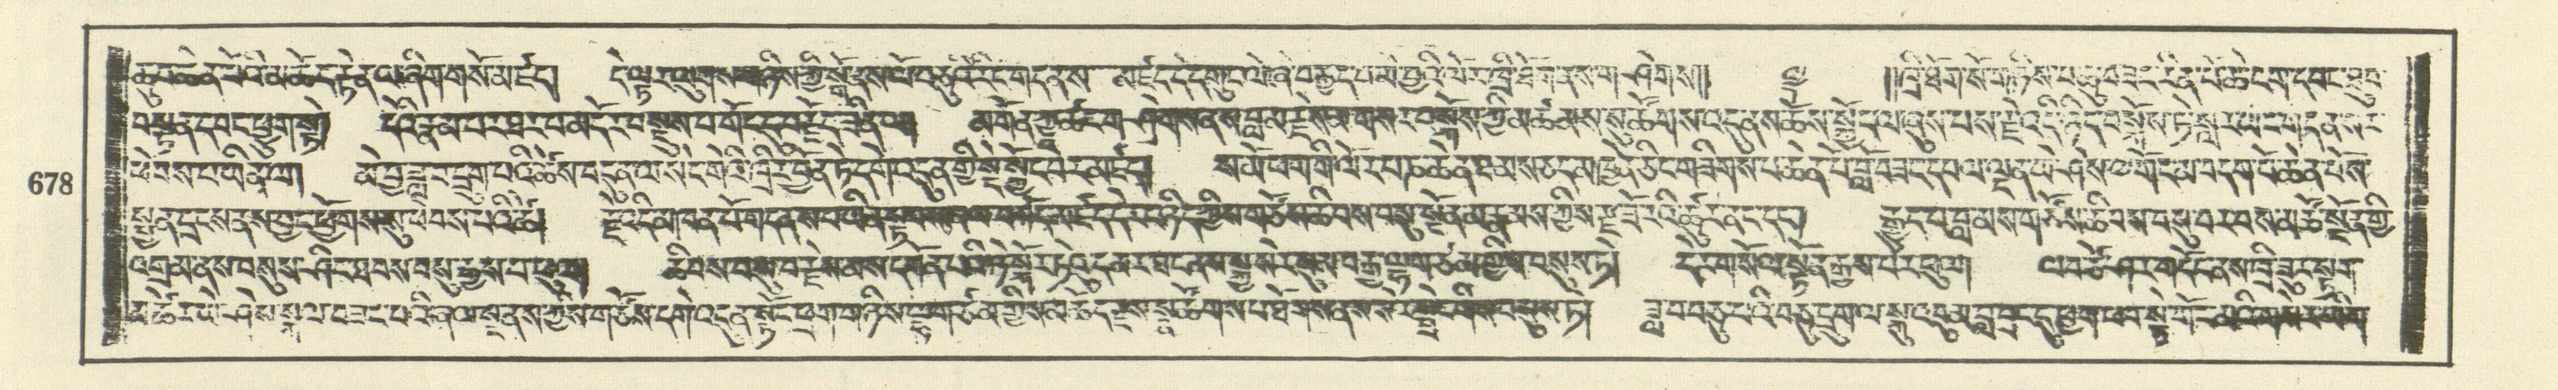ཆུབ་ཆེན་པོའི་མཆོད་རྟེན་ལ་ཞིག་གསོ་མཛད། དེ་ལྟར་ལུགས་གཉིས་ཀྱི་སྒོ་ནས་ལོ་བཅུའི་རིང་གདན་ས་མཛད་དེ་དགུང་ལོ་ཞེ་བརྒྱད་པ་མེ་བྱའི་ལོར་ཁྲི་ཐོག་ནས་གཤེགས།། ༈ །།ཁྲི་ཐོག་སོ་གཉིས་པ་ཆུ་བཟང་རིན་པོ་ཆེ་ངག་དབང་ཐུབ་
བསྟན་དབང་ཕྱུག་སྟེ། དེའི་རྣམ་པར་ཐར་པ་མདོར་བསྡུས་པ་གོང་དུ་བརྗོད་ཟིན་ལ། མགོན་ཀྱཱ་ཚང་གཤེགས་ནས་བླ་མ་རྗེས་མ་གསར་བསྐོས་ཀྱི་མཚམས་སུ་ཚོགས་འདུ་ནས་ཆོས་སྐྱོང་ལ་ཞུས་པས་རྗེ་འདི་ཉིད་བསྐོས་ཏེ་སླར་ཡང་གདན་སར་
ཕེབས་པ་ཡིན་ལ། མེ་བྱ་ཟླ་བ་དྲུག་པའི་ཚོས་བདུན་ལ་སེང་གེའི་ཁྲིར་བྱོན་ཏེ་དགེ་འདུན་གྱི་སྡེ་སྐྱོང་བར་མཛད། ས་མོ་ཕག་གི་ལོར་པཎ་ཆེན་ཐམས་ཅད་མཁྱེན་ཅིང་གཟིགས་པ་ཆེན་པོ་བློ་བཟང་དཔལ་ལྡན་ཡེ་ཤེས་༧་གོང་མ་བདག་པོ་ཆེན་པོས་
སྤྱན་དྲངས་ནས་བྱང་ཕྱོགས་སུ་ཕེབས་པའི་ཚེ། རྗེ་འདི་མཁན་པོ་གདན་ས་པ་ཡིན་སྟབས་ཞལ་བཀོད་མཛད་དེ་རང་ཉིད་ཀྱིས་གཙོས་ཆིབས་བསུ་སྔོན་མ་རྣམས་ཀྱིས་རྫ་ཟོ་རའི་ཚུར་ནང་དང་། རྒྱུད་པ་བླ་མས་གཙོས་ཆིབས་བསུ་བར་བས་མཚོ་སྔོན་གྱི་
འགྲམ་ནས་བསུས་ཤིང་ཐབས་བསུ་རྒྱས་བ་ཕུལ། ཆིབས་བསུ་བརྗེས་མས་དགོན་པའི་ཉེ་སྐོར་ཏེའུ་དམར་ཐང་ནས་སྐྱ་སེར་སུམ་བརྒྱ་ལྷག་ཙམ་གྱིས་བསུས་ཏེ། དེར་གསོལ་སྟོན་རྒྱས་པར་ཕུལ། ལབ་ཙེ་ཤར་གདོང་ནས་ཁྲི་ཟུར་སྟག་
མཚེར་ཡེ་ཤེས་སྐལ་བཟང་བའི་ཞལ་སྔ་ནས་ཀྱིས་གཙོས་དགེ་འདུན་སྟོང་ཕྲག་གཉིས་ལྷག་ཙམ་གྱིས་མཆོད་རྫས་སྣ་ཚོགས་པ་ཐོགས་ནས་སེར་སྦྲེང་གིས་བསུས་ཏེ། ཟླ་བ་བཅུ་པའི་བཅུ་དྲུག་ལ་སྐུ་འབུམ་བླ་བྲང་དུ་ཕྱག་ཕབ་སྟེ་གོང་མའི་གསེར་ཡིག་